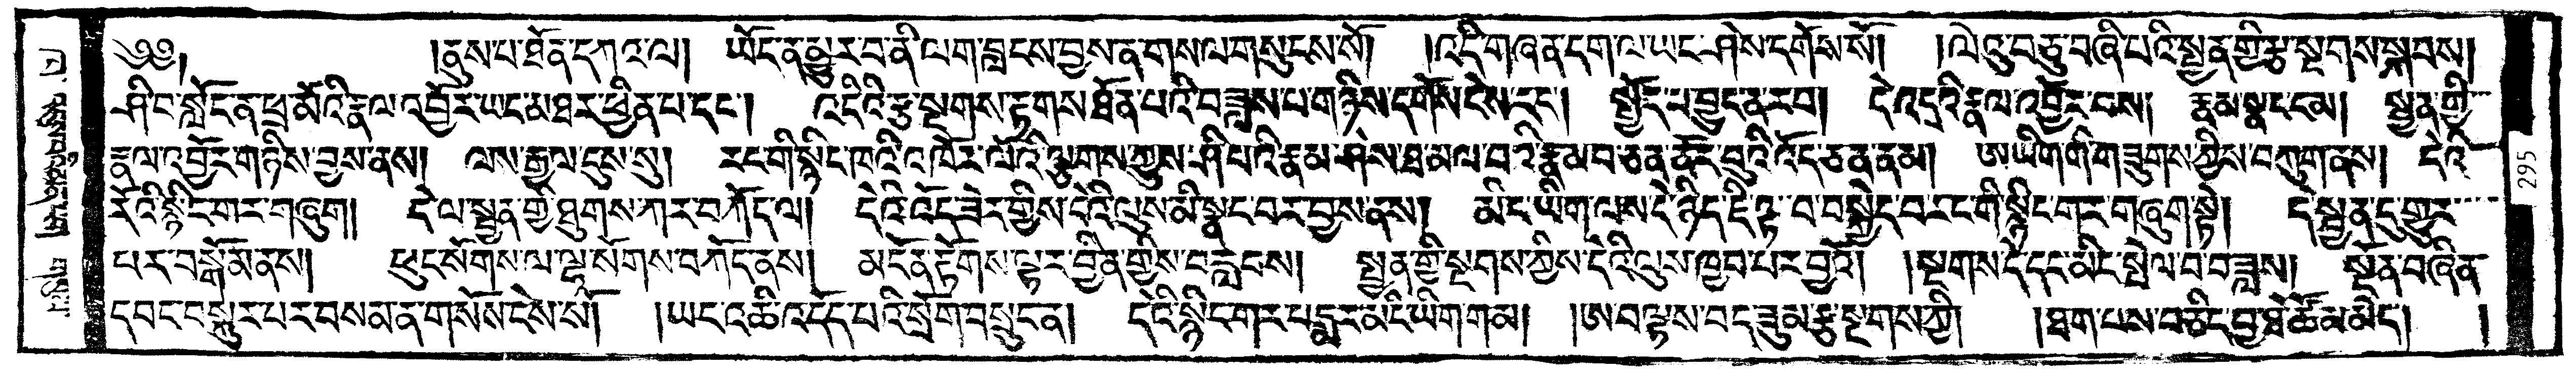༄༅། །ནུས་པ་ཐོན་དཀའ་ལ། ཡོད་ན་མྱུར་བ་ནི་ལག་བླངས་བྱས་ན་གསལ་གསུངས་སོ། །འདི་གཞན་དག་ལ་ཡང་ཤེས་དགོས་སོ། །ལེའུ་བཅུ་བཞི་པའི་སྤྱན་གྱི་རྩ་སྔགས་སྐབས།
ཤི་བ་སློང་ན་ཕྲ་མོའི་རྣལ་འབྱོར་ཡང་མཐར་ཕྱིན་པ་དང་། འདིའི་རྩ་སྔགས་རྟགས་ཐོན་པའི་བཟླས་པ་གཉིས་དགོས་ངེས་དང་། སྤྱོད་པ་བྱུང་ན་རབ། དེ་འདྲའི་རྣལ་འབྱོར་བས། རྣམ་སྣང་ངམ། སྤྱན་གྱི་
རྣལ་འབྱོར་གཉིས་བྱས་ནས། ལས་རྒྱལ་དུས་སུ། རང་གི་སྙིང་ཁའི་འཁོར་ལོའི་ལྕགས་ཀྱུས་ཤི་པའི་རྣམ་ཤེས་ཐ་མལ་བའི་རྣམ་བ་ཅན་ནོར་བུའི་འོད་ཅན་ནམ། ཨ་ཡིག་གི་གཟུགས་ཀྱིས་བཀུག་ནས། དེའི་
རོའི་སྙིང་གར་གཞུག། དེ་ལ་སྤྱན་གྱི་ཐུགས་ཀར་བཀོད་ལ། དེའི་འོད་ཟེར་གྱིས་དེའི་ལུས་མི་སྣང་བར་བྱས་ནས། མིང་ཡིག་ལས་དེ་ཉིད་ཇི་ལྟ་བ་བསྐྱེད་བ་རང་གི་སྙིང་གར་གཞུག་སྟེ། དེ་སྤྱན་དུ་གྱུར་
པར་བསྒོམ་ནས། ཕུང་སོགས་ལ་ལྷ་སོགས་བཀོད་ནས། མངོན་རྟོགས་ལྟར་བྱིན་གྱིས་བརླབས། སྤྱན་གྱི་སྔགས་ཀྱིས་དེའི་ལུས་ཁྱབ་པར་བྱའོ། །སྔགས་དེ་དང་མིང་སྤེལ་བ་བཟླས། སྔོན་བཞིན་
དབང་བསྐུར་པར་བསམ་ན་གསོས་ངེས་སོ། །ཡང་འཆི་འདོད་པའི་སྲོག་བསྲུང་ན། དེའི་སྙིང་གར་པདམར་མིང་ཡིག་གམ། །ཨ་བལྟས་པད་ཟུམ་རྩ་སྔགས་ཀྱི། །ཐག་པས་བཅིང་བྱ་ཐེ་ཚོམ་མེད། །